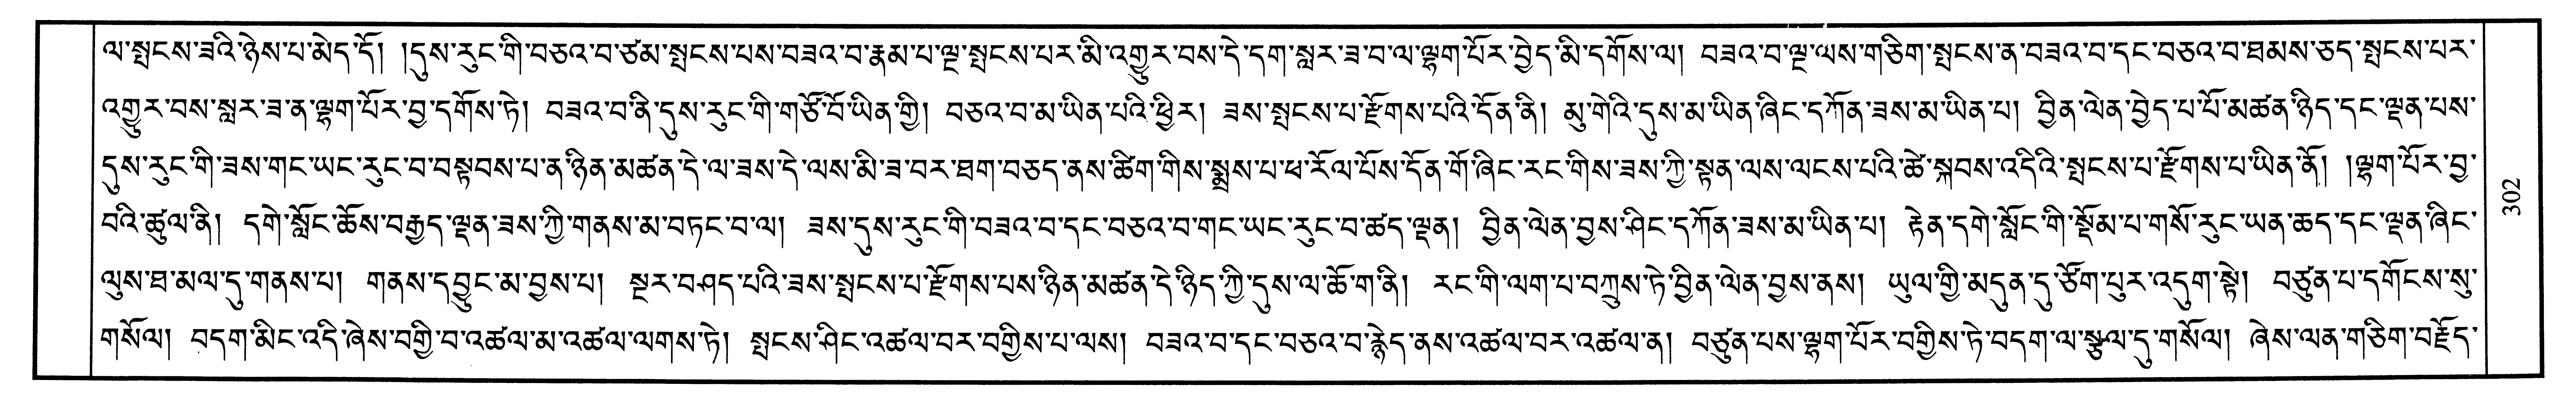ལ་སྤངས་ཟའི་ཉེས་པ་མེད་དོ། །དུས་རུང་གི་བཅའ་བ་ཙམ་སྤངས་པས་བཟའ་བ་རྣམ་པ་ལྔ་སྤངས་པར་མི་འགྱུར་བས་དེ་དག་སླར་ཟ་བ་ལ་ལྷག་པོར་བྱེད་མི་དགོས་ལ། བཟའ་བ་ལྔ་ལས་གཅིག་སྤངས་ན་བཟའ་བ་དང་བཅའ་བ་ཐམས་ཅད་སྤངས་པར་
འགྱུར་བས་སླར་ཟ་ན་ལྷག་པོར་བྱ་དགོས་ཏེ། བཟའ་བ་ནི་དུས་རུང་གི་གཙོ་བོ་ཡིན་གྱི། བཅའ་བ་མ་ཡིན་པའི་ཕྱིར། ཟས་སྤངས་པ་རྫོགས་པའི་དོན་ནི། མུ་གེའི་དུས་མ་ཡིན་ཞིང་དཀོན་ཟས་མ་ཡིན་པ། བྱིན་ལེན་བྱེད་པ་པོ་མཚན་ཉིད་དང་ལྡན་པས་
དུས་རུང་གི་ཟས་གང་ཡང་རུང་བ་བསྟབས་པ་ན་ཉིན་མཚན་དེ་ལ་ཟས་དེ་ལས་མི་ཟ་བར་ཐག་བཅད་ནས་ཚིག་གིས་སྨྲས་པ་ཕ་རོལ་པོས་དོན་གོ་ཞིང་རང་གིས་ཟས་ཀྱི་སྟན་ལས་ལངས་པའི་ཚེ་སྐབས་འདིའི་སྤངས་པ་རྫོགས་པ་ཡིན་ནོ། །ལྷག་པོར་བྱ་
བའི་ཚུལ་ནི། དགེ་སློང་ཆོས་བརྒྱད་ལྡན་ཟས་ཀྱི་གནས་མ་བཏང་བ་ལ། ཟས་དུས་རུང་གི་བཟའ་བ་དང་བཅའ་བ་གང་ཡང་རུང་བ་ཚད་ལྡན། བྱིན་ལེན་བྱས་ཤིང་དཀོན་ཟས་མ་ཡིན་པ། རྟེན་དགེ་སློང་གི་སྡོམ་པ་གསོ་རུང་ཡན་ཆད་དང་ལྡན་ཞིང་
ལུས་ཐ་མལ་དུ་གནས་པ། གནས་དབྱུང་མ་བྱས་པ། སྔར་བཤད་པའི་ཟས་སྤངས་པ་རྫོགས་པས་ཉིན་མཚན་དེ་ཉིད་ཀྱི་དུས་ལ་ཆོ་ག་ནི། རང་གི་ལག་པ་བཀྲུས་ཏེ་བྱིན་ལེན་བྱས་ནས། ཡུལ་གྱི་མདུན་དུ་ཙོག་པུར་འདུག་སྟེ། བཙུན་པ་དགོངས་སུ་
གསོལ། བདག་མིང་འདི་ཞེས་བགྱི་བ་འཚལ་མ་འཚལ་ལགས་ཏེ། སྤངས་ཤིང་འཚལ་བར་བགྱིས་པ་ལས། བཟའ་བ་དང་བཅའ་བ་རྙེད་ནས་འཚལ་བར་འཚལ་ན། བཙུན་པས་ལྷག་པོར་བགྱིས་ཏེ་བདག་ལ་སྩལ་དུ་གསོལ། ཞེས་ལན་གཅིག་བརྗོད་